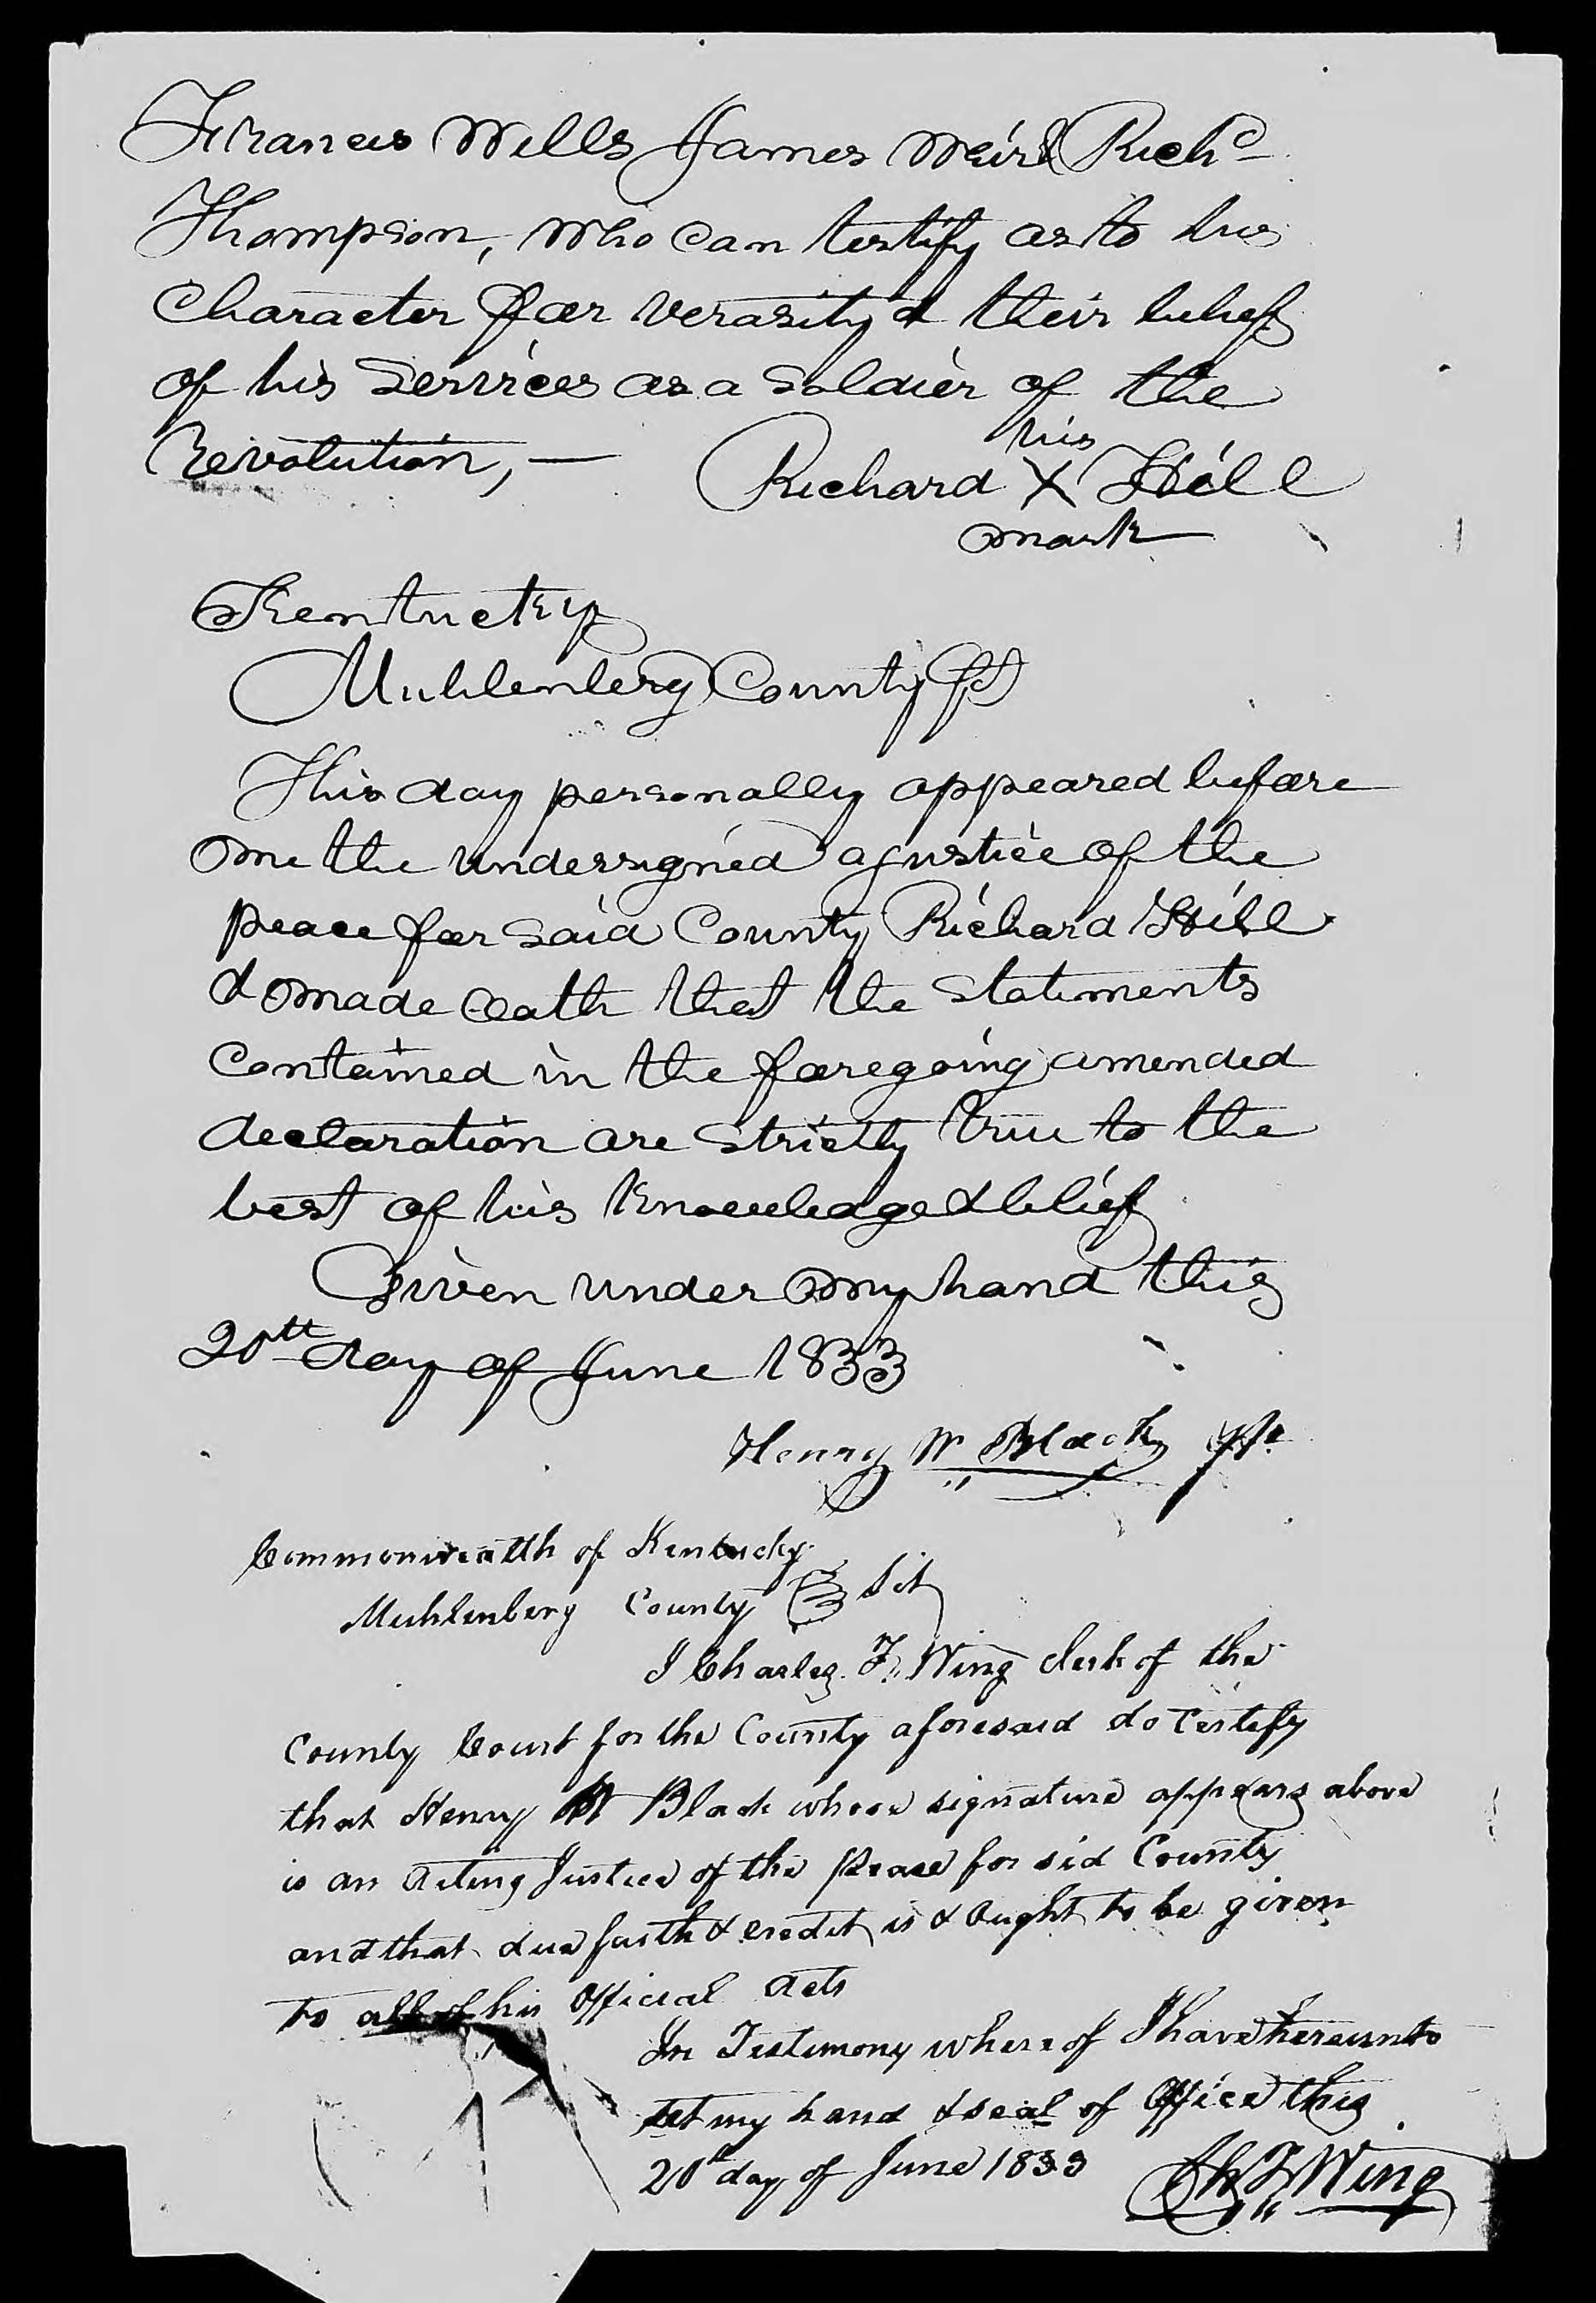Francis Wells, James Weir & Richard Thompson, who can testify as to his character for veracity & their belief of his Services as a Soldier of the Revolution. 
Richard [his x mark] Hill

Kentucky}
Muhlenberg County} SS 

This day personally appeared before me the undersigned a justice of the peace for said County Richard Hill & made Oath that the statements contained in the foregoing amended declaration are strictly true to the best of his knowledge & belief.

Given under my hand this 20th day of June 1833 
Henry W Black JP

Commonwealth of Kentucky}
Muhlenberg County} Sct 
I Charles F Wing Clerk of the County Court for the County aforesaid do certify that Henry A Black whose signature appears above is an acting Justice of the Peace for sid [said] County and that due faith & credit is & ought to be given to all his official acts. 

In Testimony whereof I have hereunto set my hand & seal of 20th day of June 1833 

C F Wing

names: Charles F Wing, Richd Thompson, Richard Hill, Francis Wells, Henry W Black, Richard Hill, Henry W Black, Ch F Wing, James Weir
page: 10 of 27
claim: rejected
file: R. 5006, Richard Hill, N.C.